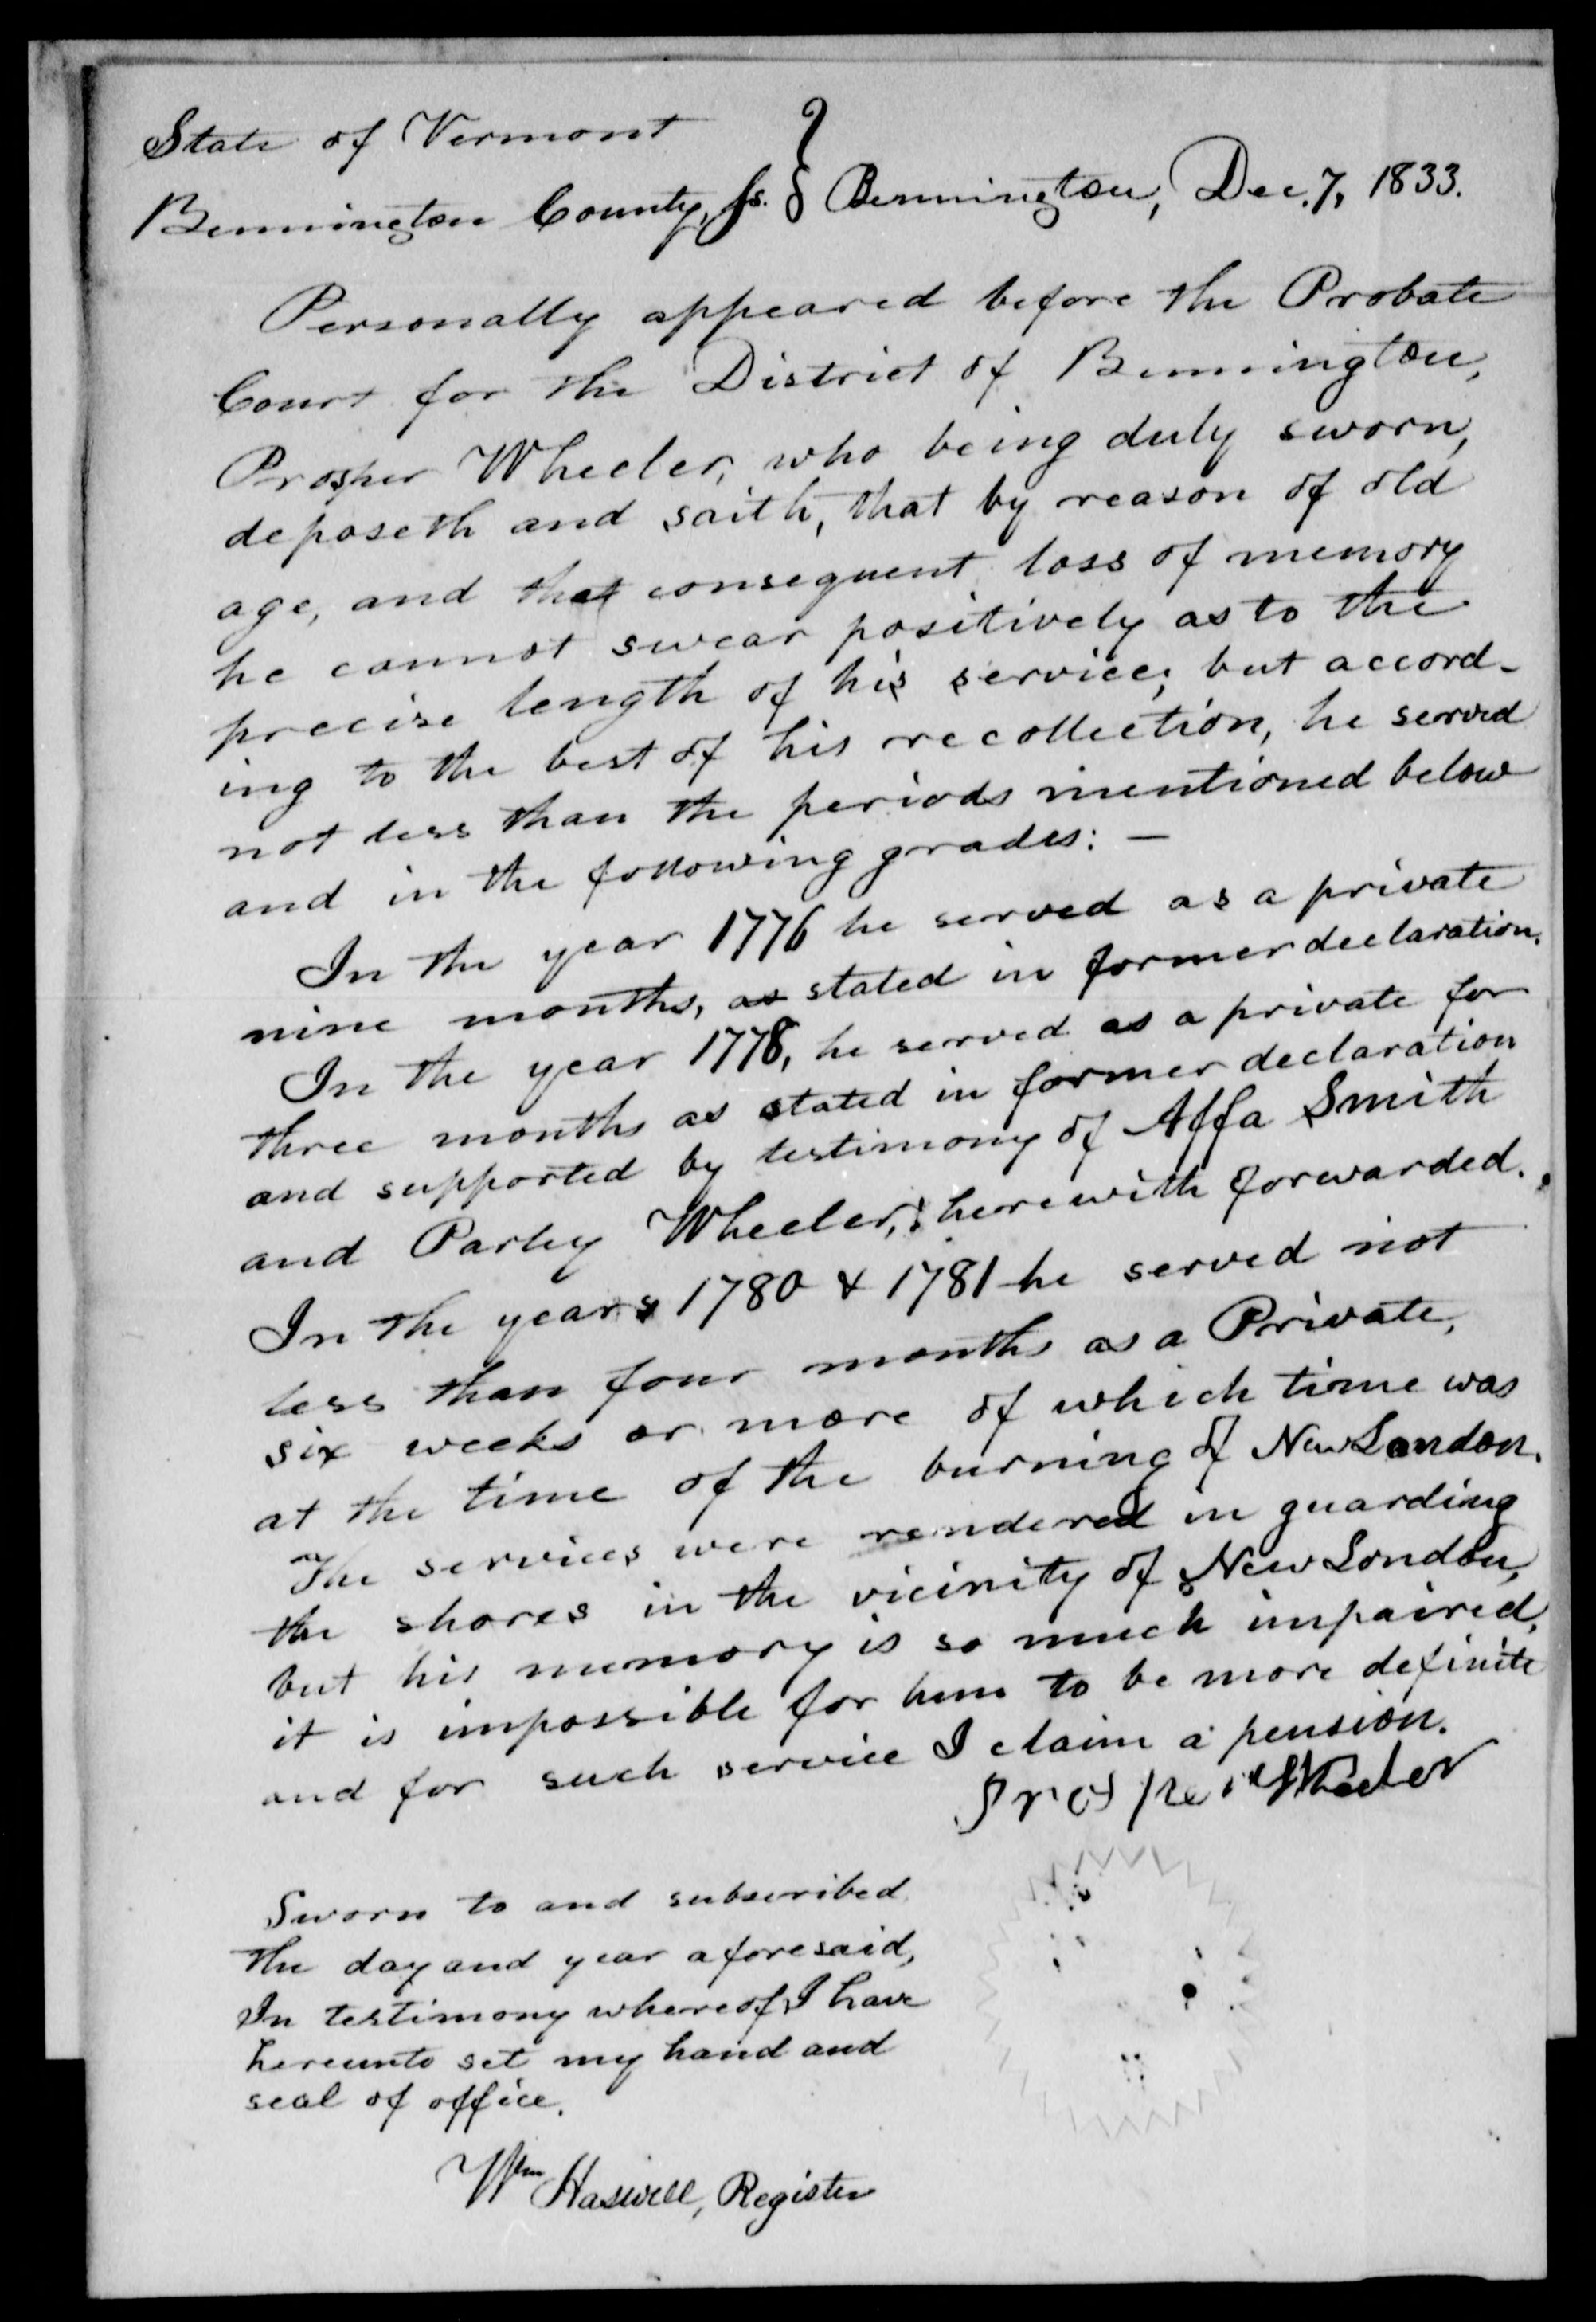State of Vermont
Bennington County, ss. ⎬Bennington, Dec. 7, 1833.
Personally appeared before the Probate Court for the District of Bennington, Prosper Wheeler, who being duly sworn, deposeth and saith, that by reason of old age, and that consequent loss of memory he cannot swear positively as to the precise length of his service; but according to the best of his recollection, he served not less than the periods mentioned below and in the following grades: ─
In the year 1776 he served as a private nine months, as stated in former declaration.
In the year 1778, he served as a private for three months as stated in former declaration and  supported by testimony of Alla Smith and Parley Wheeler, herewith forwarded.
In the years 1780 & 1781 he served not less than four months as a Private, six weeks or more of which time was at the time of the burning of New London.
The services were rendered in guarding the shores in the vicinity of New London, but his memory is so much impaired it is impossible for him to be more definite and for such service I claim a pension.
[signature] Prosper Wheeler

Sworn to and subscribed the day and year aforesaid,
In testimony whereof I have hereunto set my hand and seal of office.
[signed] Wm Haswell, Register

[illegible Seal of Office affixed at right]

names: Prosper Wheeler, Affa Smith, Parley Wheeler, Wm Haswell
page: 29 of 29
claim: widow's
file: W. 22604, Prosper Wheeler, Conn.